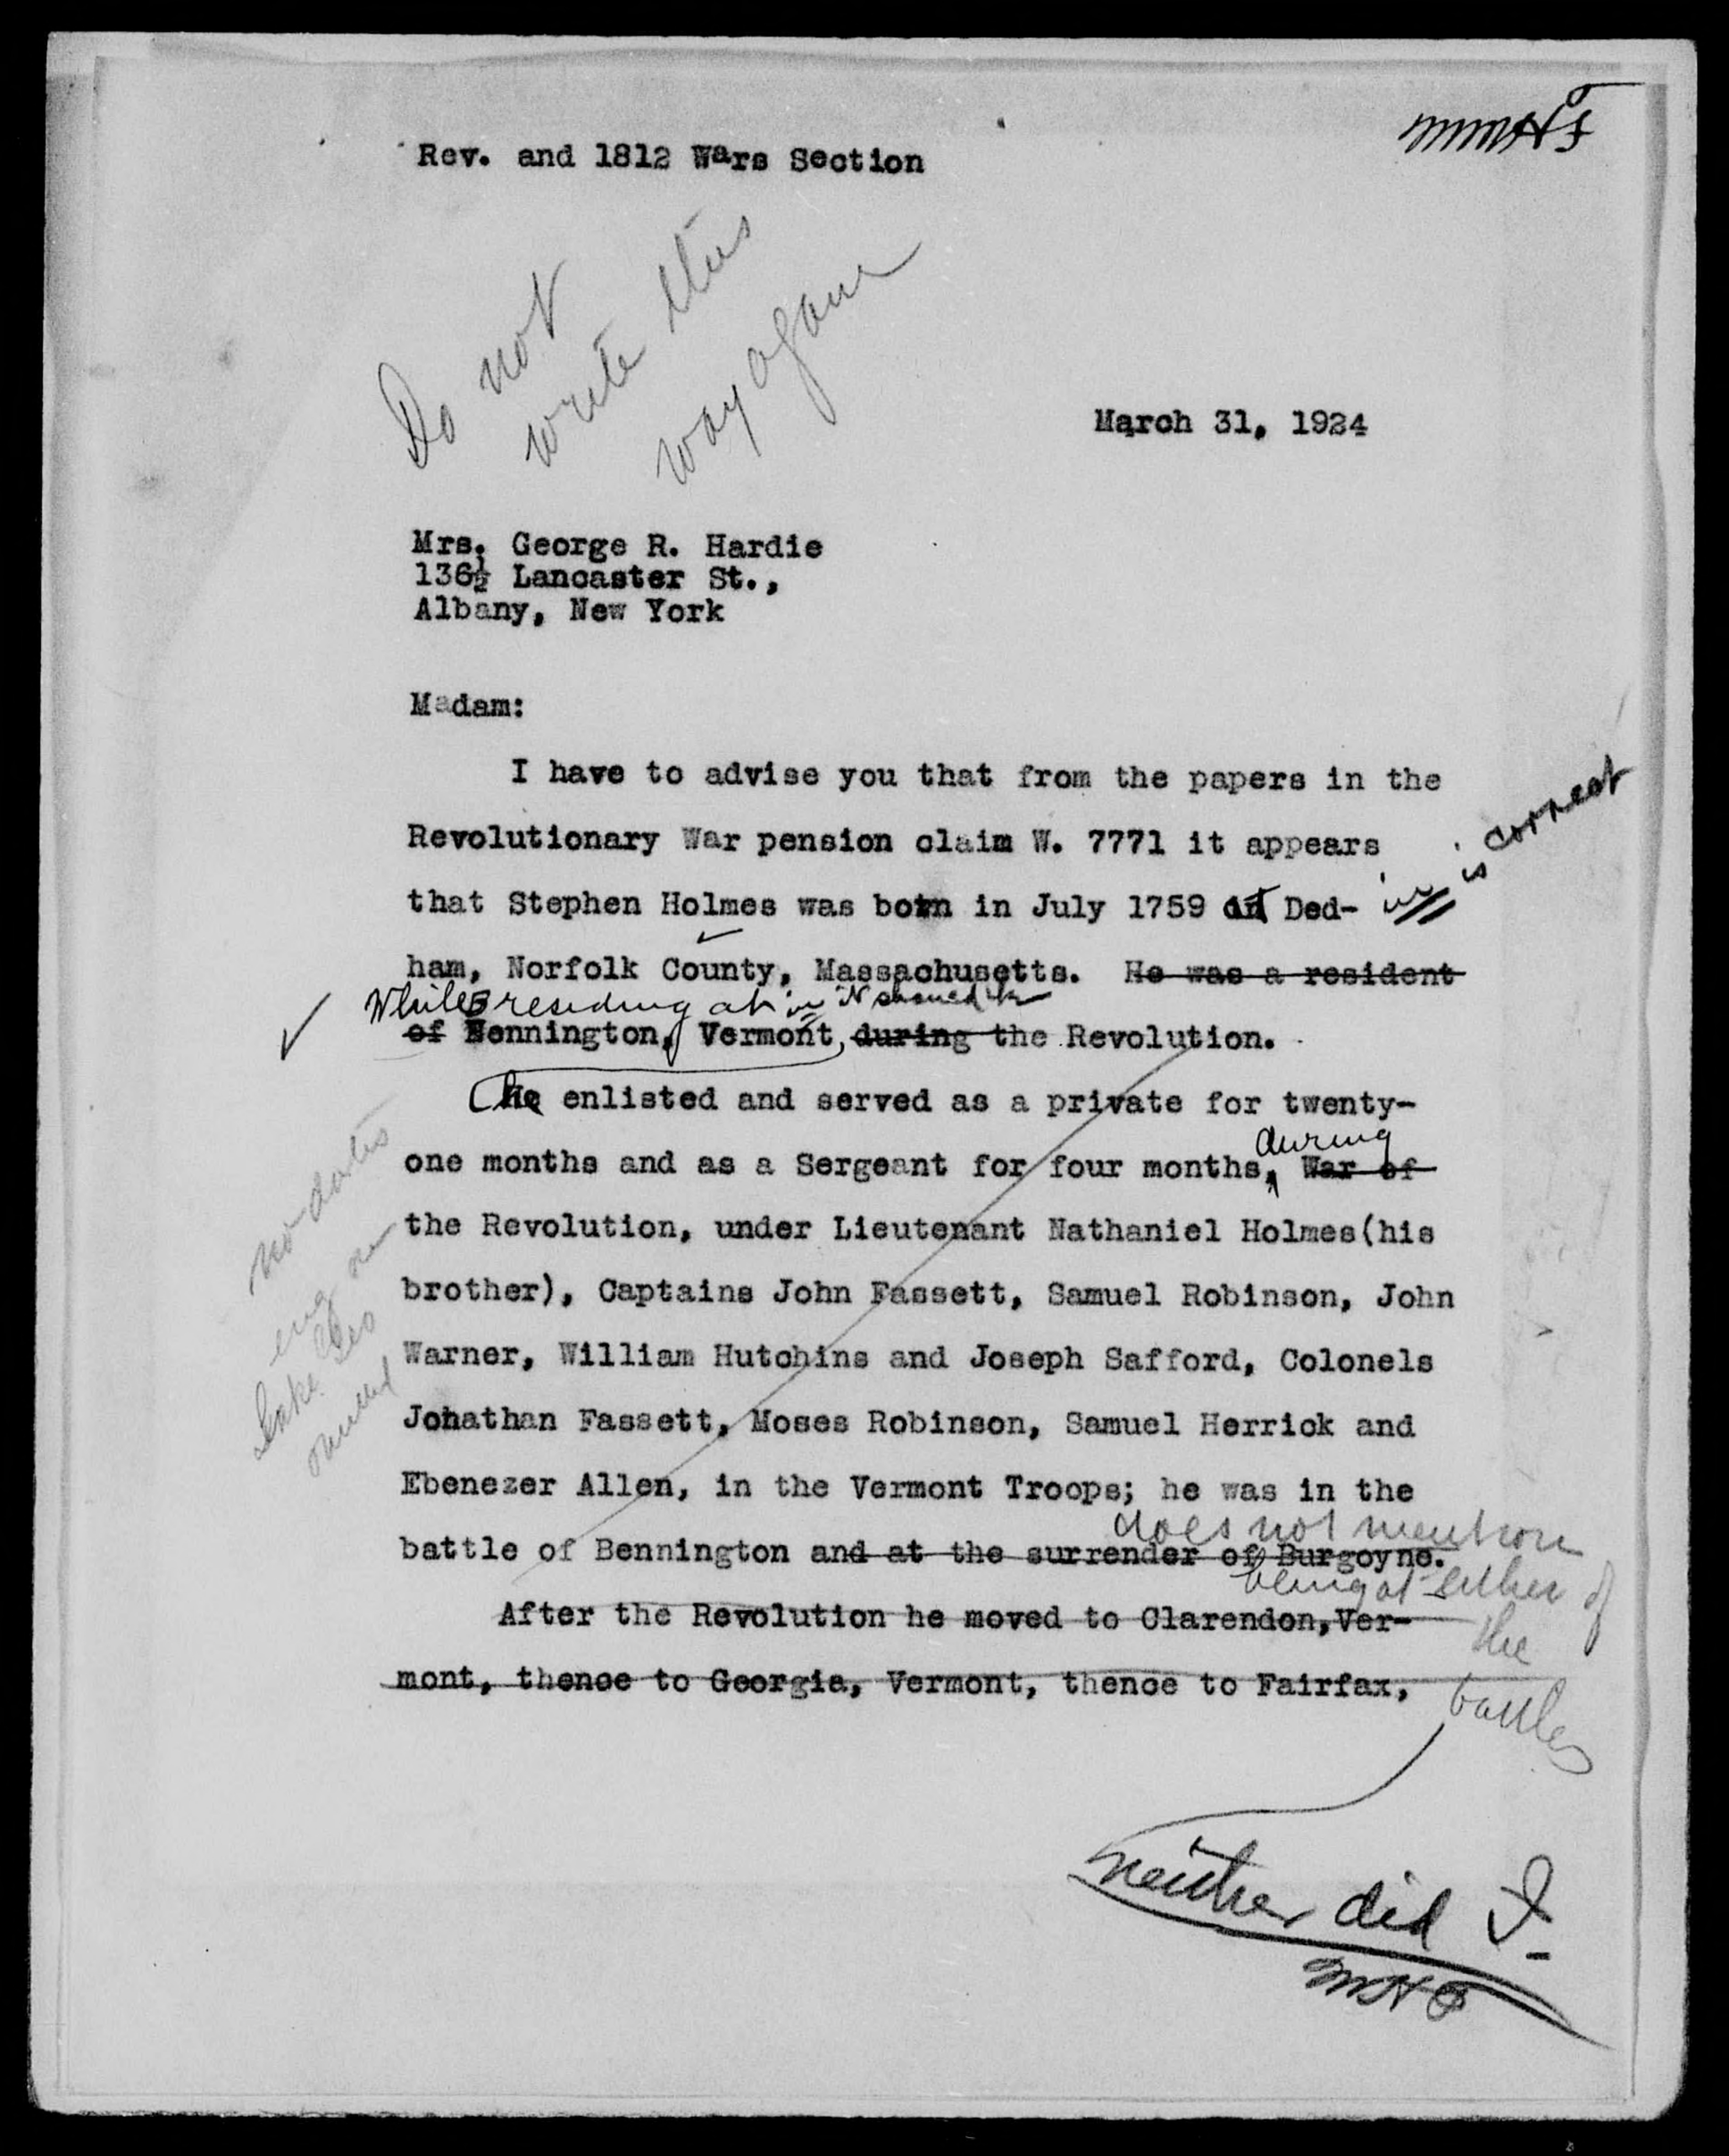Rev. and 1812 Wars Section W. H. S.

[handwritten note "Do not write this way again"]

March 31, 1924

Mrs. George R. Hardie
136 1/2 Lancaster St.,
Albany, New York

Madam: 

I have to advise you that from the papers in the Revolutionary War pension claim W. 7771 it appears that Stephen Holmes was born in July 1759 at [handwritten note "in is correct"] Dedham, Norfolk County, Massachusetts. [crossed out "He was a resident of"] ^While residing at [handwritten note "in it should be"] Bennington, Vermont [crossed out "during the Revolution"]

[handwritten note "no dates [illegible] Lake Geo [illegible]"]

[following paragraph is struck through with a diagonal line]
he enlisted and served as a private for twenty-one months and as a Sergeant for four months ^during [crossed out "War of"] the Revolution, under Lieutenant Nathaniel Holmes (his brother), Captains John Fassett, Samuel Robinson, John Warner, William Hutchins and Joseph Safford, Colonels Jonathan Fassett, Moses Robinson, Samuel Herrick and Ebenezer Allen, in the Vermont Troops; he was in the battle of Bennington [crossed out "and at the surrender of Burgoyne."] [handwritten note "does not mention being at either of the battles"] [handwritten note in different hand "neither did S. WHS"]

[crossed out "After the Revolution he moved to Clarendon, Vermont, thence to Georgia, Vermont, thence to Fairfax,"]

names: Jonathan Fassett, John Fassett, Stephen Holmes, Joseph Safford, George R Hardie, John Warner, Nathaniel Holmes, Samuel Herrick, Samuel Robinson, Moses Robinson, Ebenezer Allen, William Hutchins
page: 69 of 72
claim: widow's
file: W. 7771, Stephen Holmes, Vt.